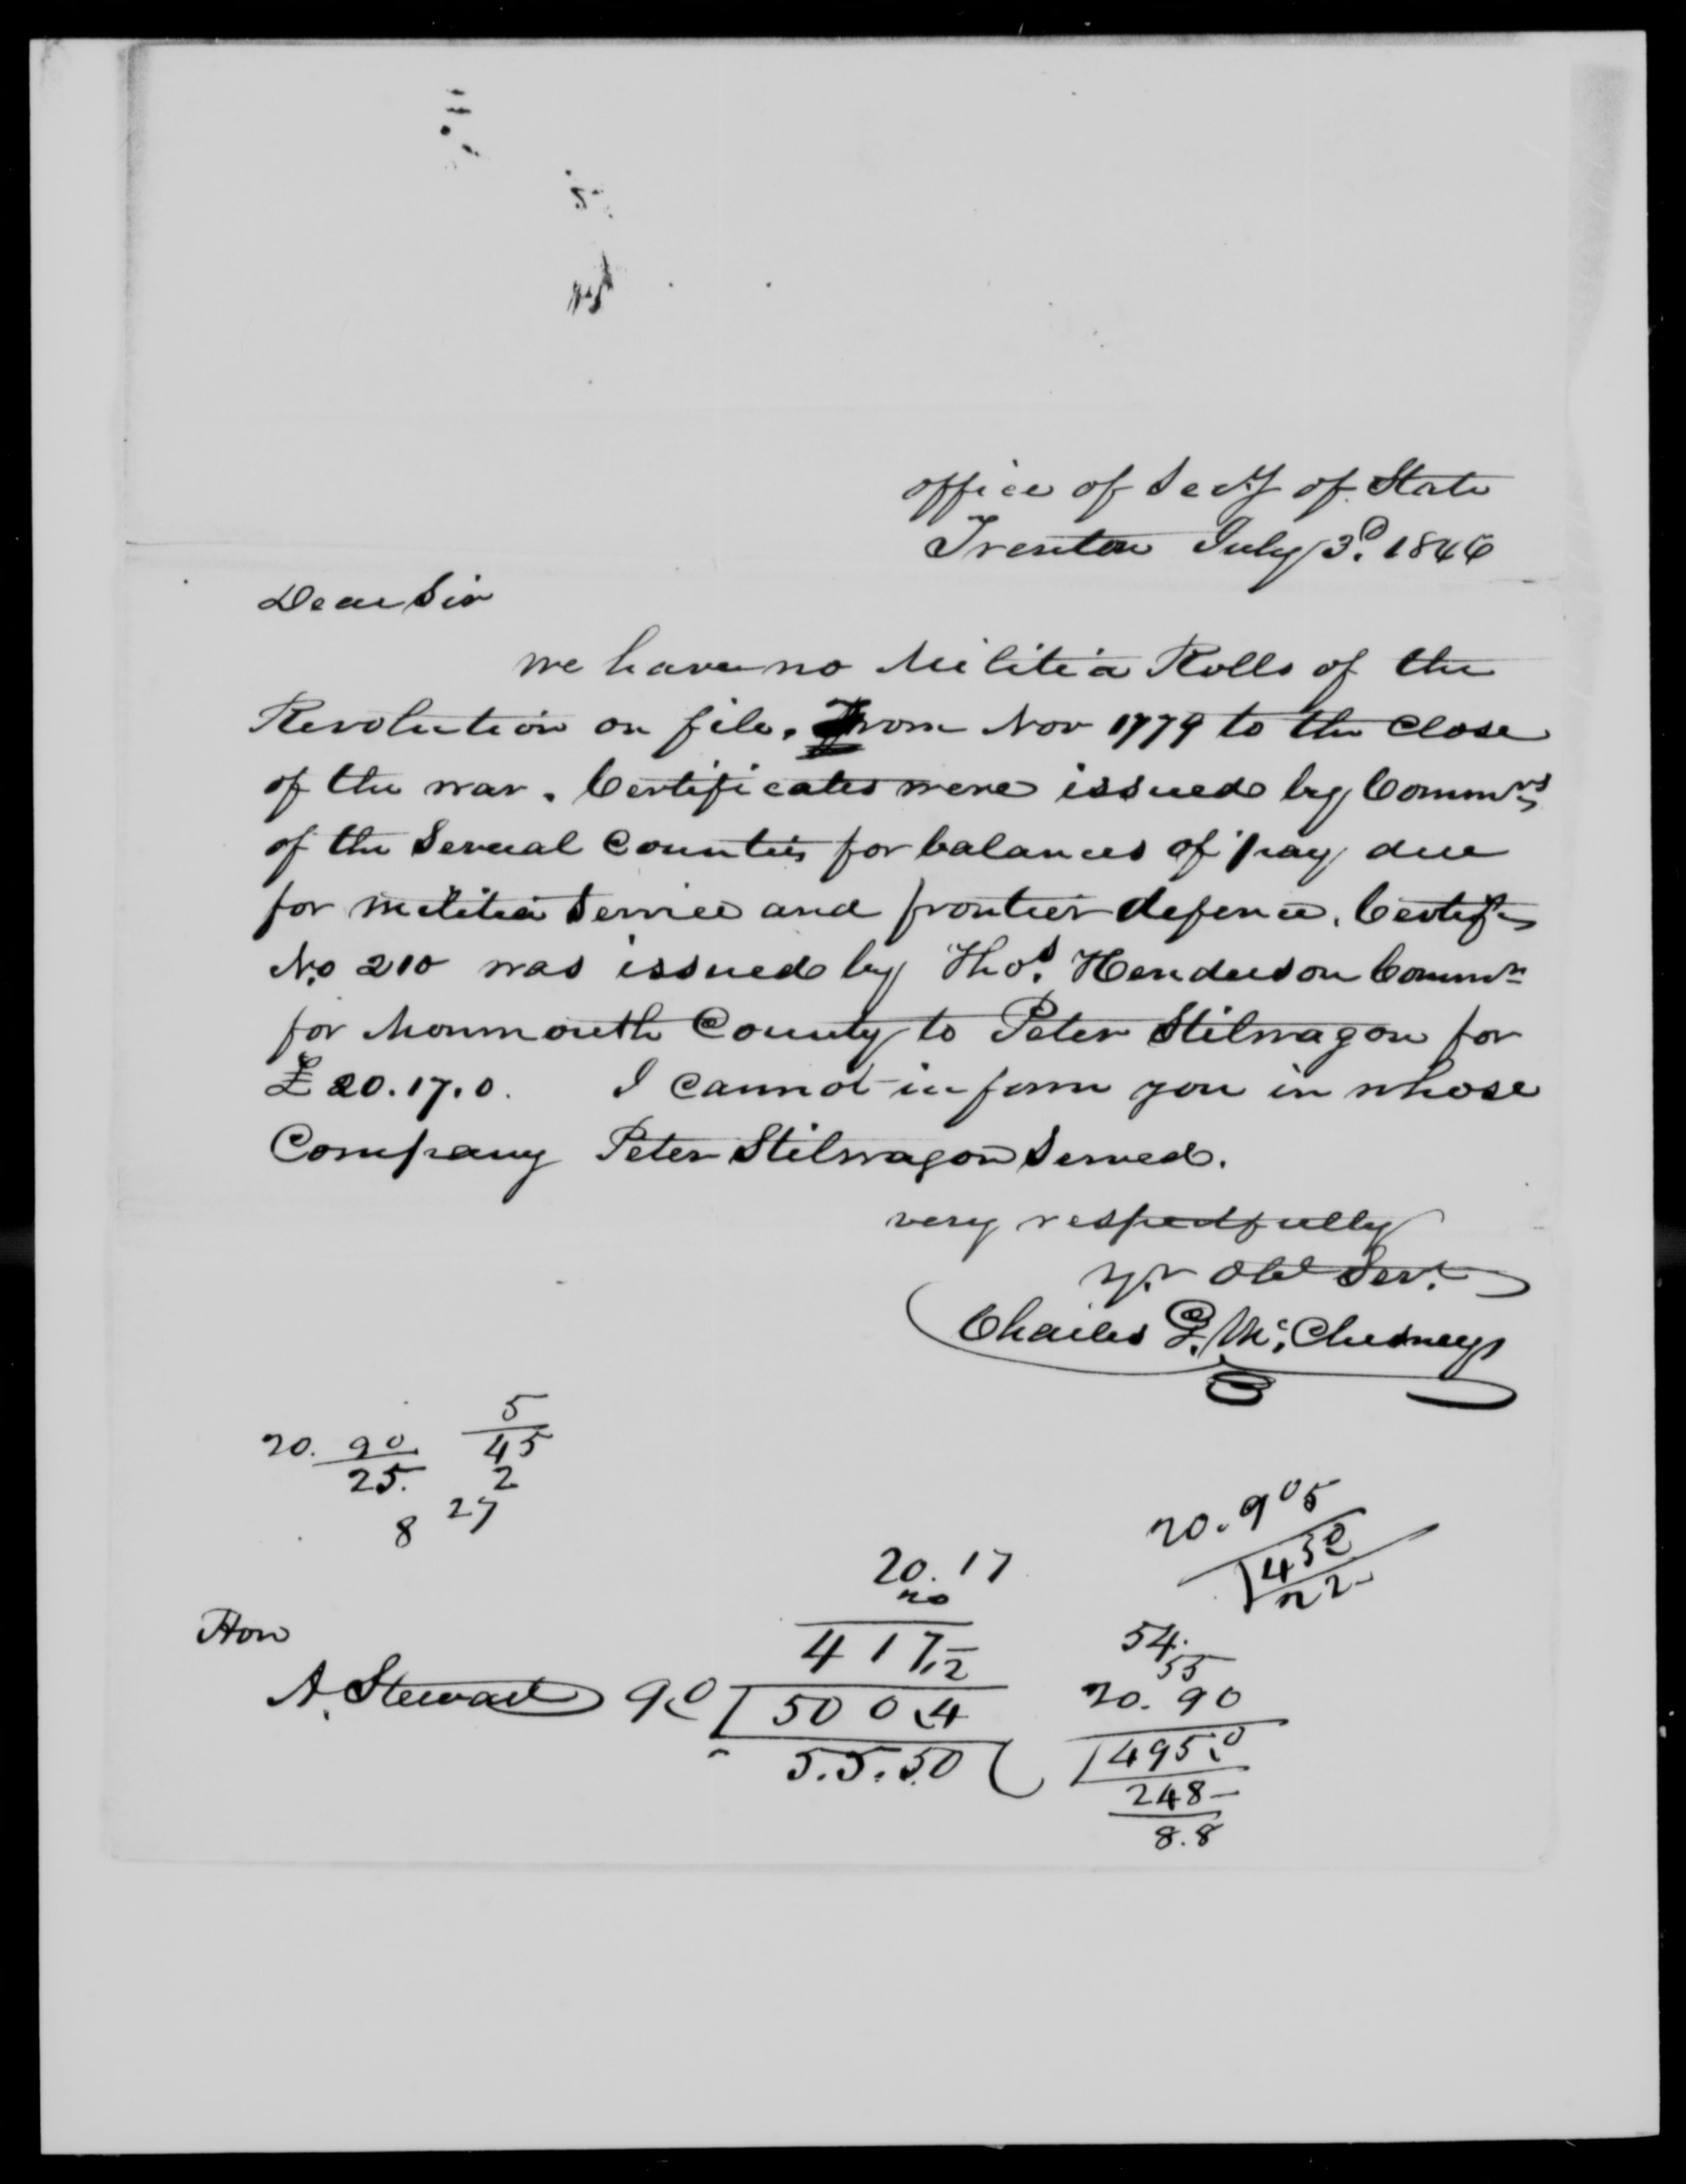office of the Secy of State
Trenton July 3rd. 1846

Dear Sir

We have no Militia Rolls of the Revolution on file, [smudge] From Nov 1774 to the close of the war. Certificates were issued by Comm[superscript]rs [meaning Commanders???] of the Several counties for balances of pay due for militia services and frontier defence. Certif> [meaning Certificate???] No 210 was issued by Tho[superscript]s. Henderson on Comm [superscript]rs for Monmouth County to Peter Stilwagon for [pound sign]20.17.0 I cannot inform you in whose Company Peter Stilwagon served.

very respectfully
your obed serv.

Charles G. McChesney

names: Charles G Mc Chesney; A Stewart; Peter Stilwagon; Thos Henderson; Peter Stilwagon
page: 29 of 73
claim: widow's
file: W. 3197, for Peter Stillwagon, New Jersey